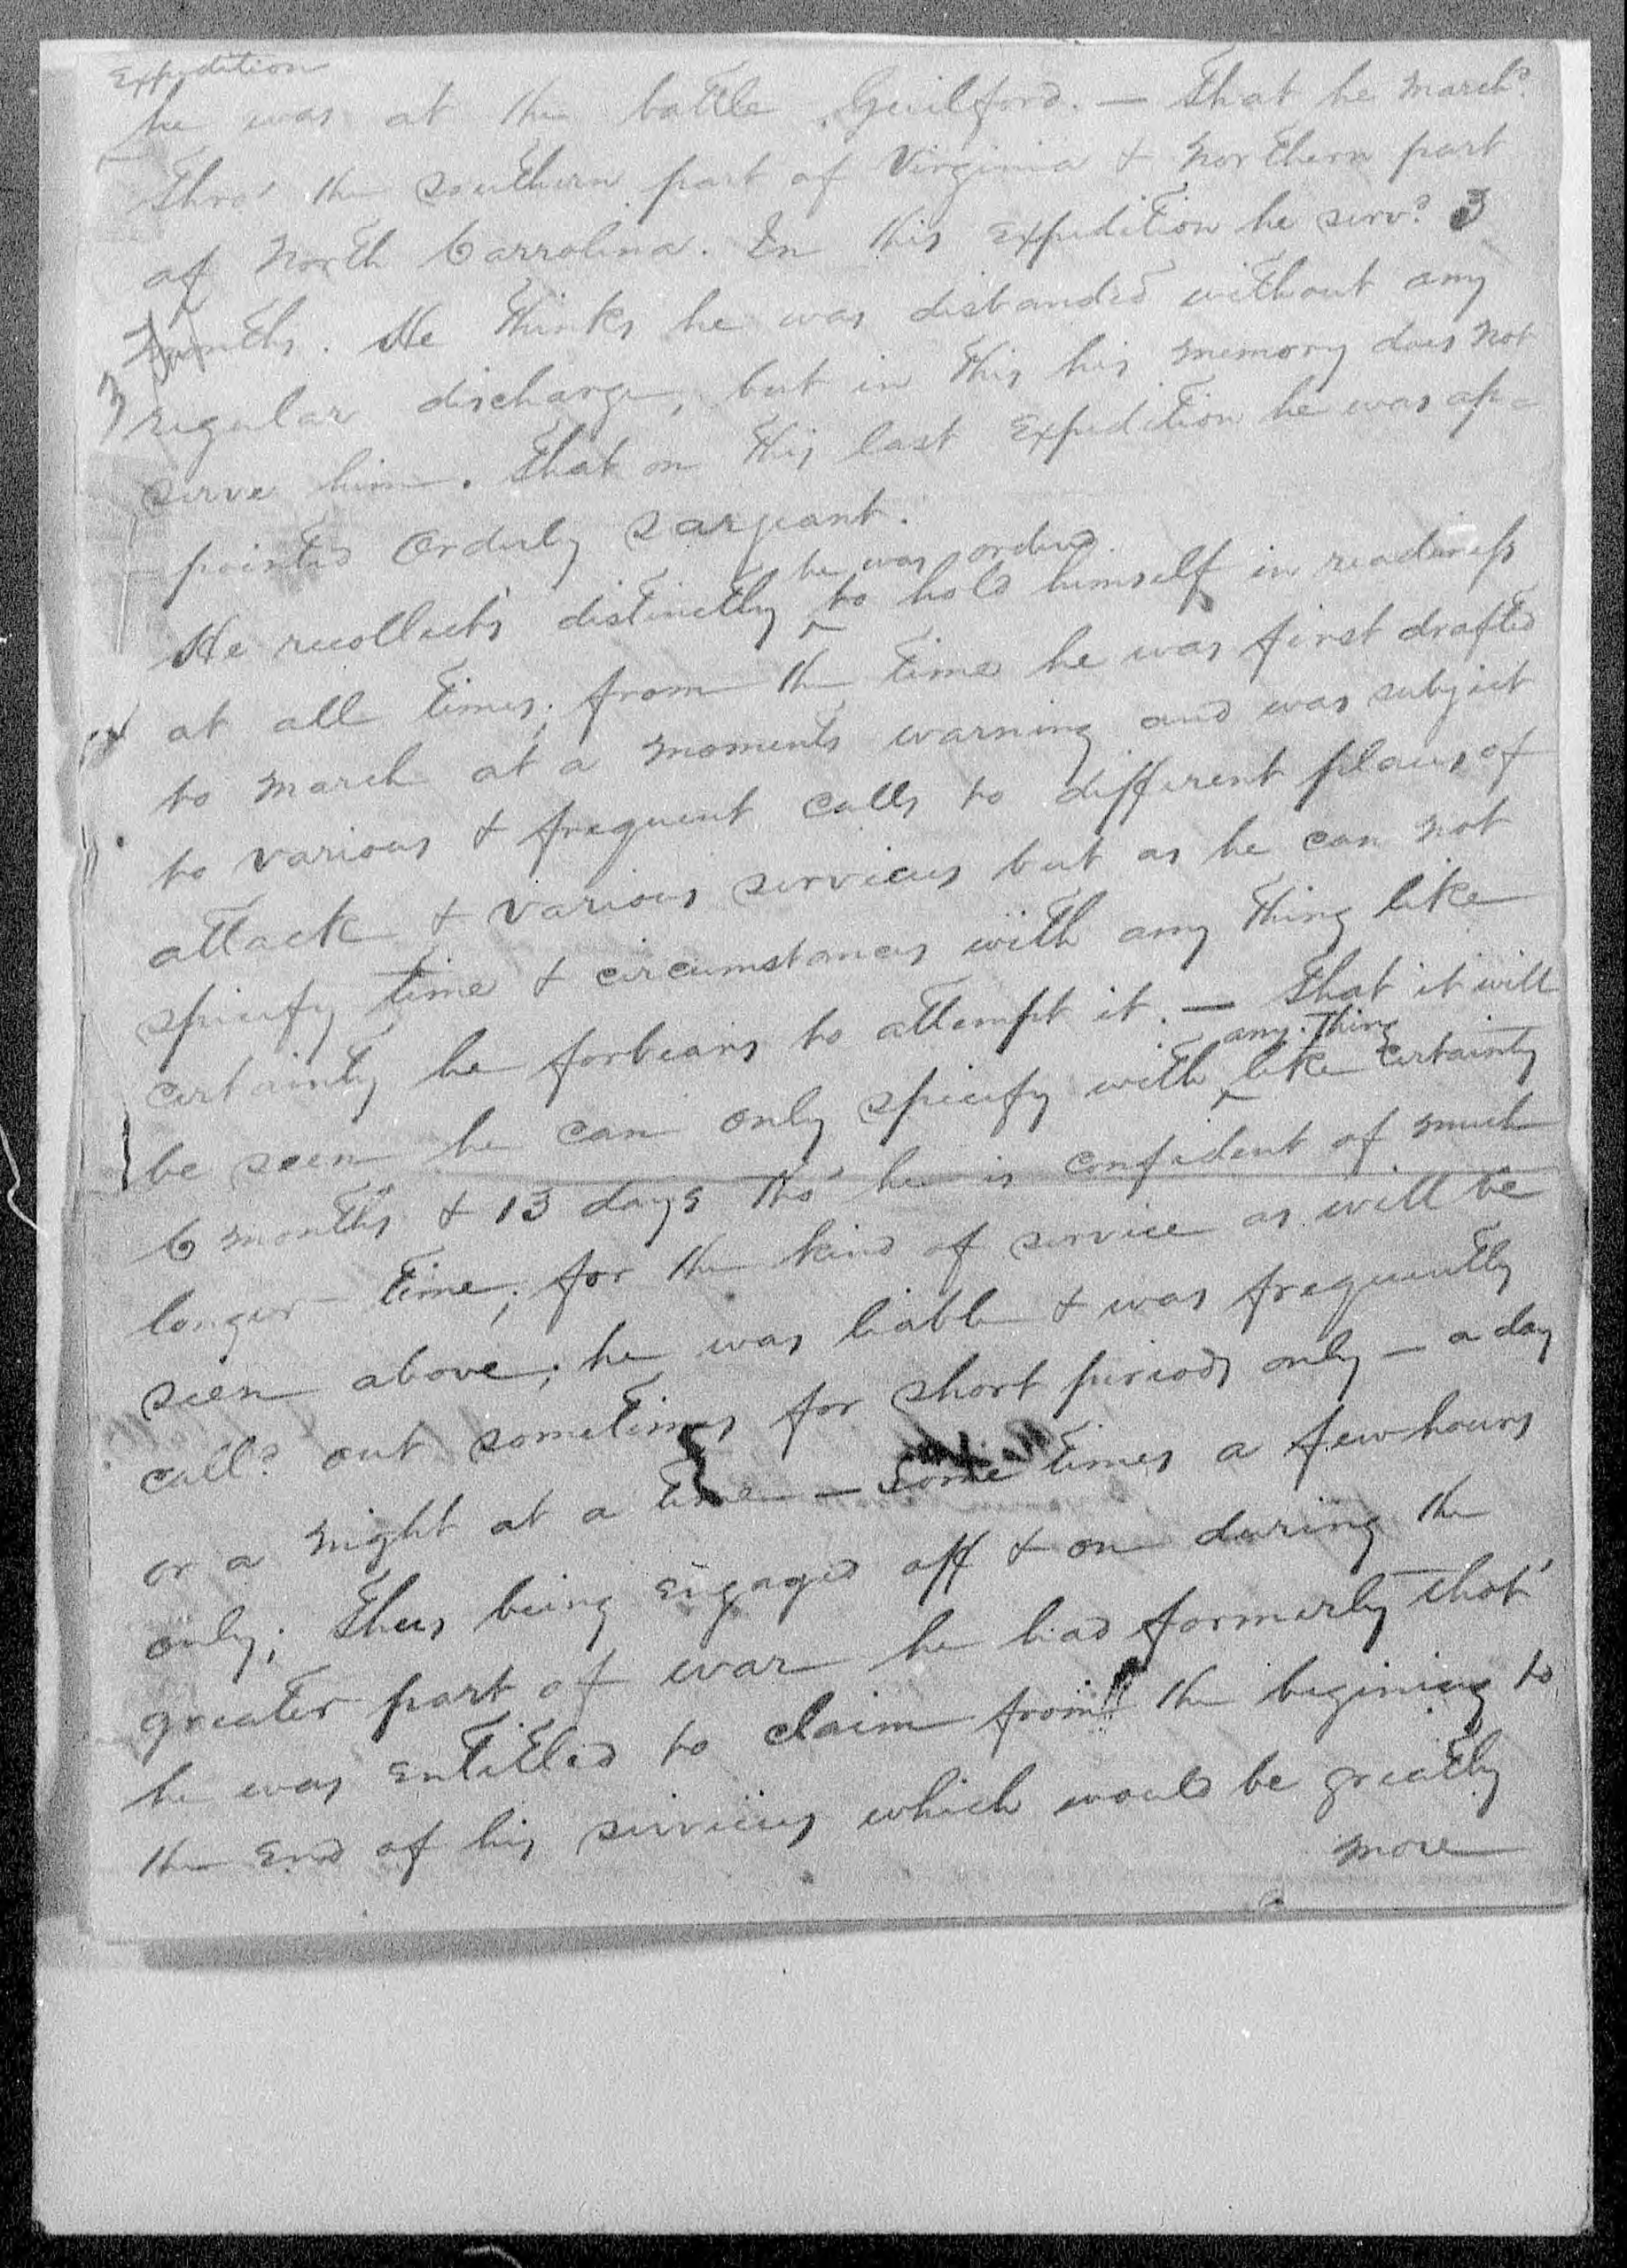expedition he was at the battle Guilford-that he marchedthat the southern part of Virginia & Northern part of 
North Carolina. In this expedition he served [illegible]. He thinks he was disbanded without any regular discharge, but in this his memory does not serve him, that on this last expedition he was [illegible] pointers orderly Sargeant. He recollects distinctly to hold himself in readiness at all times from the time he was first drafted to march at a moments warning and was subject to various & frequent calls to different places of attack & various services but as he cannot specify time & circumstances will any thing like certainly he forbears to attempt it.-- That it will be seen he can only specify with the certainty 6 months & 13 days that he is confident of [illegible] longer line for the hand of service as will be seen above he was able & was frequently called out [illegible] for short periods only-a day or a night at a time- sometimes a few hours only; the [illegible] off & on during the greater part of war. He had formerly that he was entitled to claim from the beginning to the end of his services which would be greatly more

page: 4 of 25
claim: rejected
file: R. 1929, Robert Childress, Va